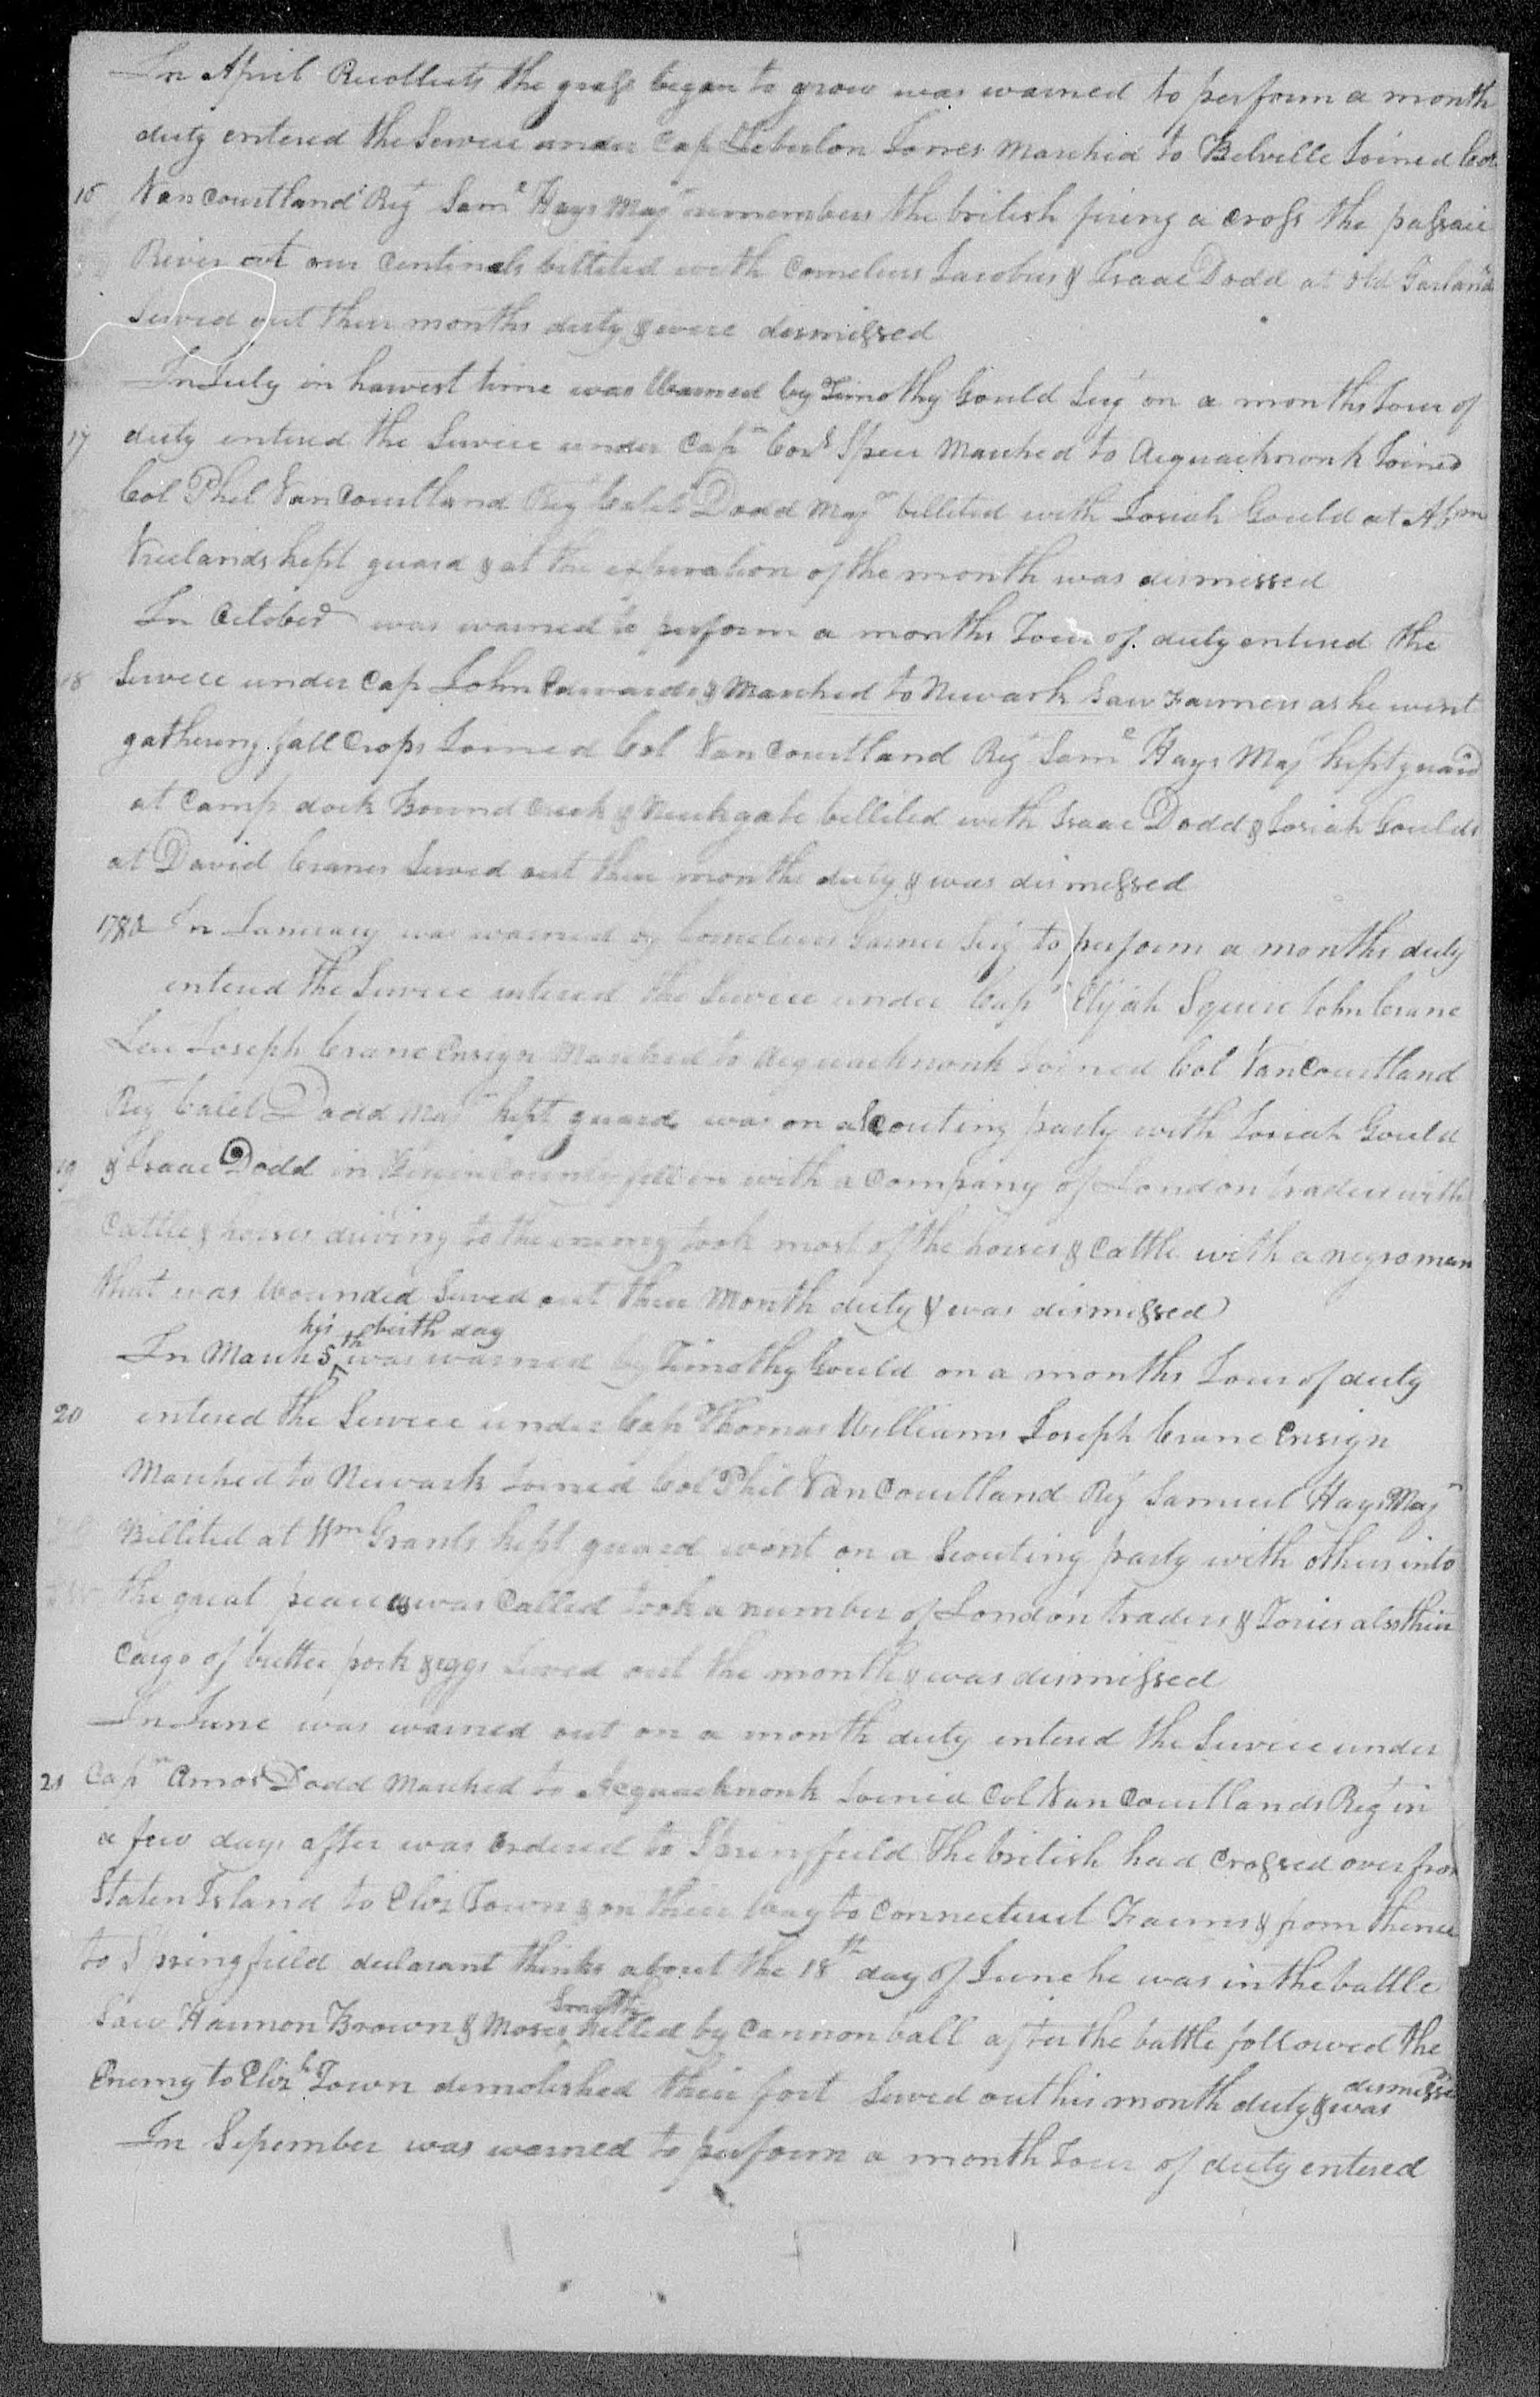In April recollects the ? began to grown was warned to perform a month 

                                     duty entered the Service under Cap Zebulon Jones marched to Belvill joned CoL

15                                Van Courtland Regt Sam Hays  May remember the british firing a cross the Passaic

                                     River at our centinals billited with Cornelius Jacobus  Isaac Dodd at Old Garland

                                      served out three monts duty service dismissed


                                      In July in harvest time was ? by Timothy Gould ? on a months tour of 

17                                 duty enter the Service under Corl Speer marched to Acquachronk joined

                                       Col Phil Van Courtland Regt  Caleb Dodd Majr billited with Josiah Gould at ?

                                       Newlands kept guard at the expiration of teh mont was dismissed

                                       In October was warned to perform a month Tour of Duty entered the

18                                 service under Cap John Edwards & marched to Newark saw farmer as he went

                                      gathering fall crops joined Col Van Courtland Regt Sam Hays Maj kept guard

                                      at David Cramer served out three monts duty & was dismissed

                                       1780   In January was warned by Cornelius Jacobus Seg to preform a months duty

                                        entered the service entered the service under Cap Elijah Squire  John Crane
                                         
                                       ? Joseph Crane Ensign marked to Acquacknonk joined Col Van Courtland 

                                        Reg Caleb Dodd Maj kept guard was on scouting party with Josiah Gould

19                                   Isaac Dodd in Bergin County fell in with a copny of London Trader with
                                        
                                        cattles & horses driving to the ? took most of the horse & cattls with a  negro man

                                        that was wounded served out three monts duty I was dismissed.

      
                                                   his       ? day
                                        In March 5th  was arned by Timothy Gould on a month Tour of Duty

20                                    entered the servcie under Cap Thomas Williams Joseph Crane Ensign
                                 
                                         marched to Newark joined Col Phil Van Courtland Reg Samuel Hays Maj.

                                         billited at Wm Grants kept guard wen on a scoutng party with other into

                                          the great peace wwas called took a number of Lond traders & Tories also then

                                          cargo of butter  pork  eggs  Lived out the month was dismissed


                                          In June was ? out on a month duty entered the Service under

21                                    Capn Amos Marched Acquacknonk joined col Van Courtland Regt in

                                          a few days after was ordered to Springfield  The British had corssed over from

                                         Staten Island to Elis town & on their way to Connecticut Farm & from thence

                                          to Springfield declarant thinks about the 19th day of June he was in the battle

                                          saw Harmon Brown & Moses Smith killed by cannon ball after the battle followed the

                                          enemy to Elis town demlosjed their fort  Served out his monthy duty & was dismissed

                                          In September was warned to to perfprm a month Tour of Duty entered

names: Harmon Brown, Isaac Dodd, Thomas Williams, Amos Dodd, Samuel Hays, Josiah Gould, Moses Smith, Saml Hays, John Crane, Isaac Dodd, Corl Speer, Isaac Dodd, Cornelius Jacobus, Elijah Squire, Joseph Crane, Timothy Gould, Caleb Dodd, Josiah Gould, Saml Hays, Wm Grant, Caleb Dodd, Timothy Gould, John Edwards, Joseph Crane, Josiah Gould, Zebulon Jones, David Crane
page: 5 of 32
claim: rejected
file: R. 2441, Aaron Crane, New Jersey